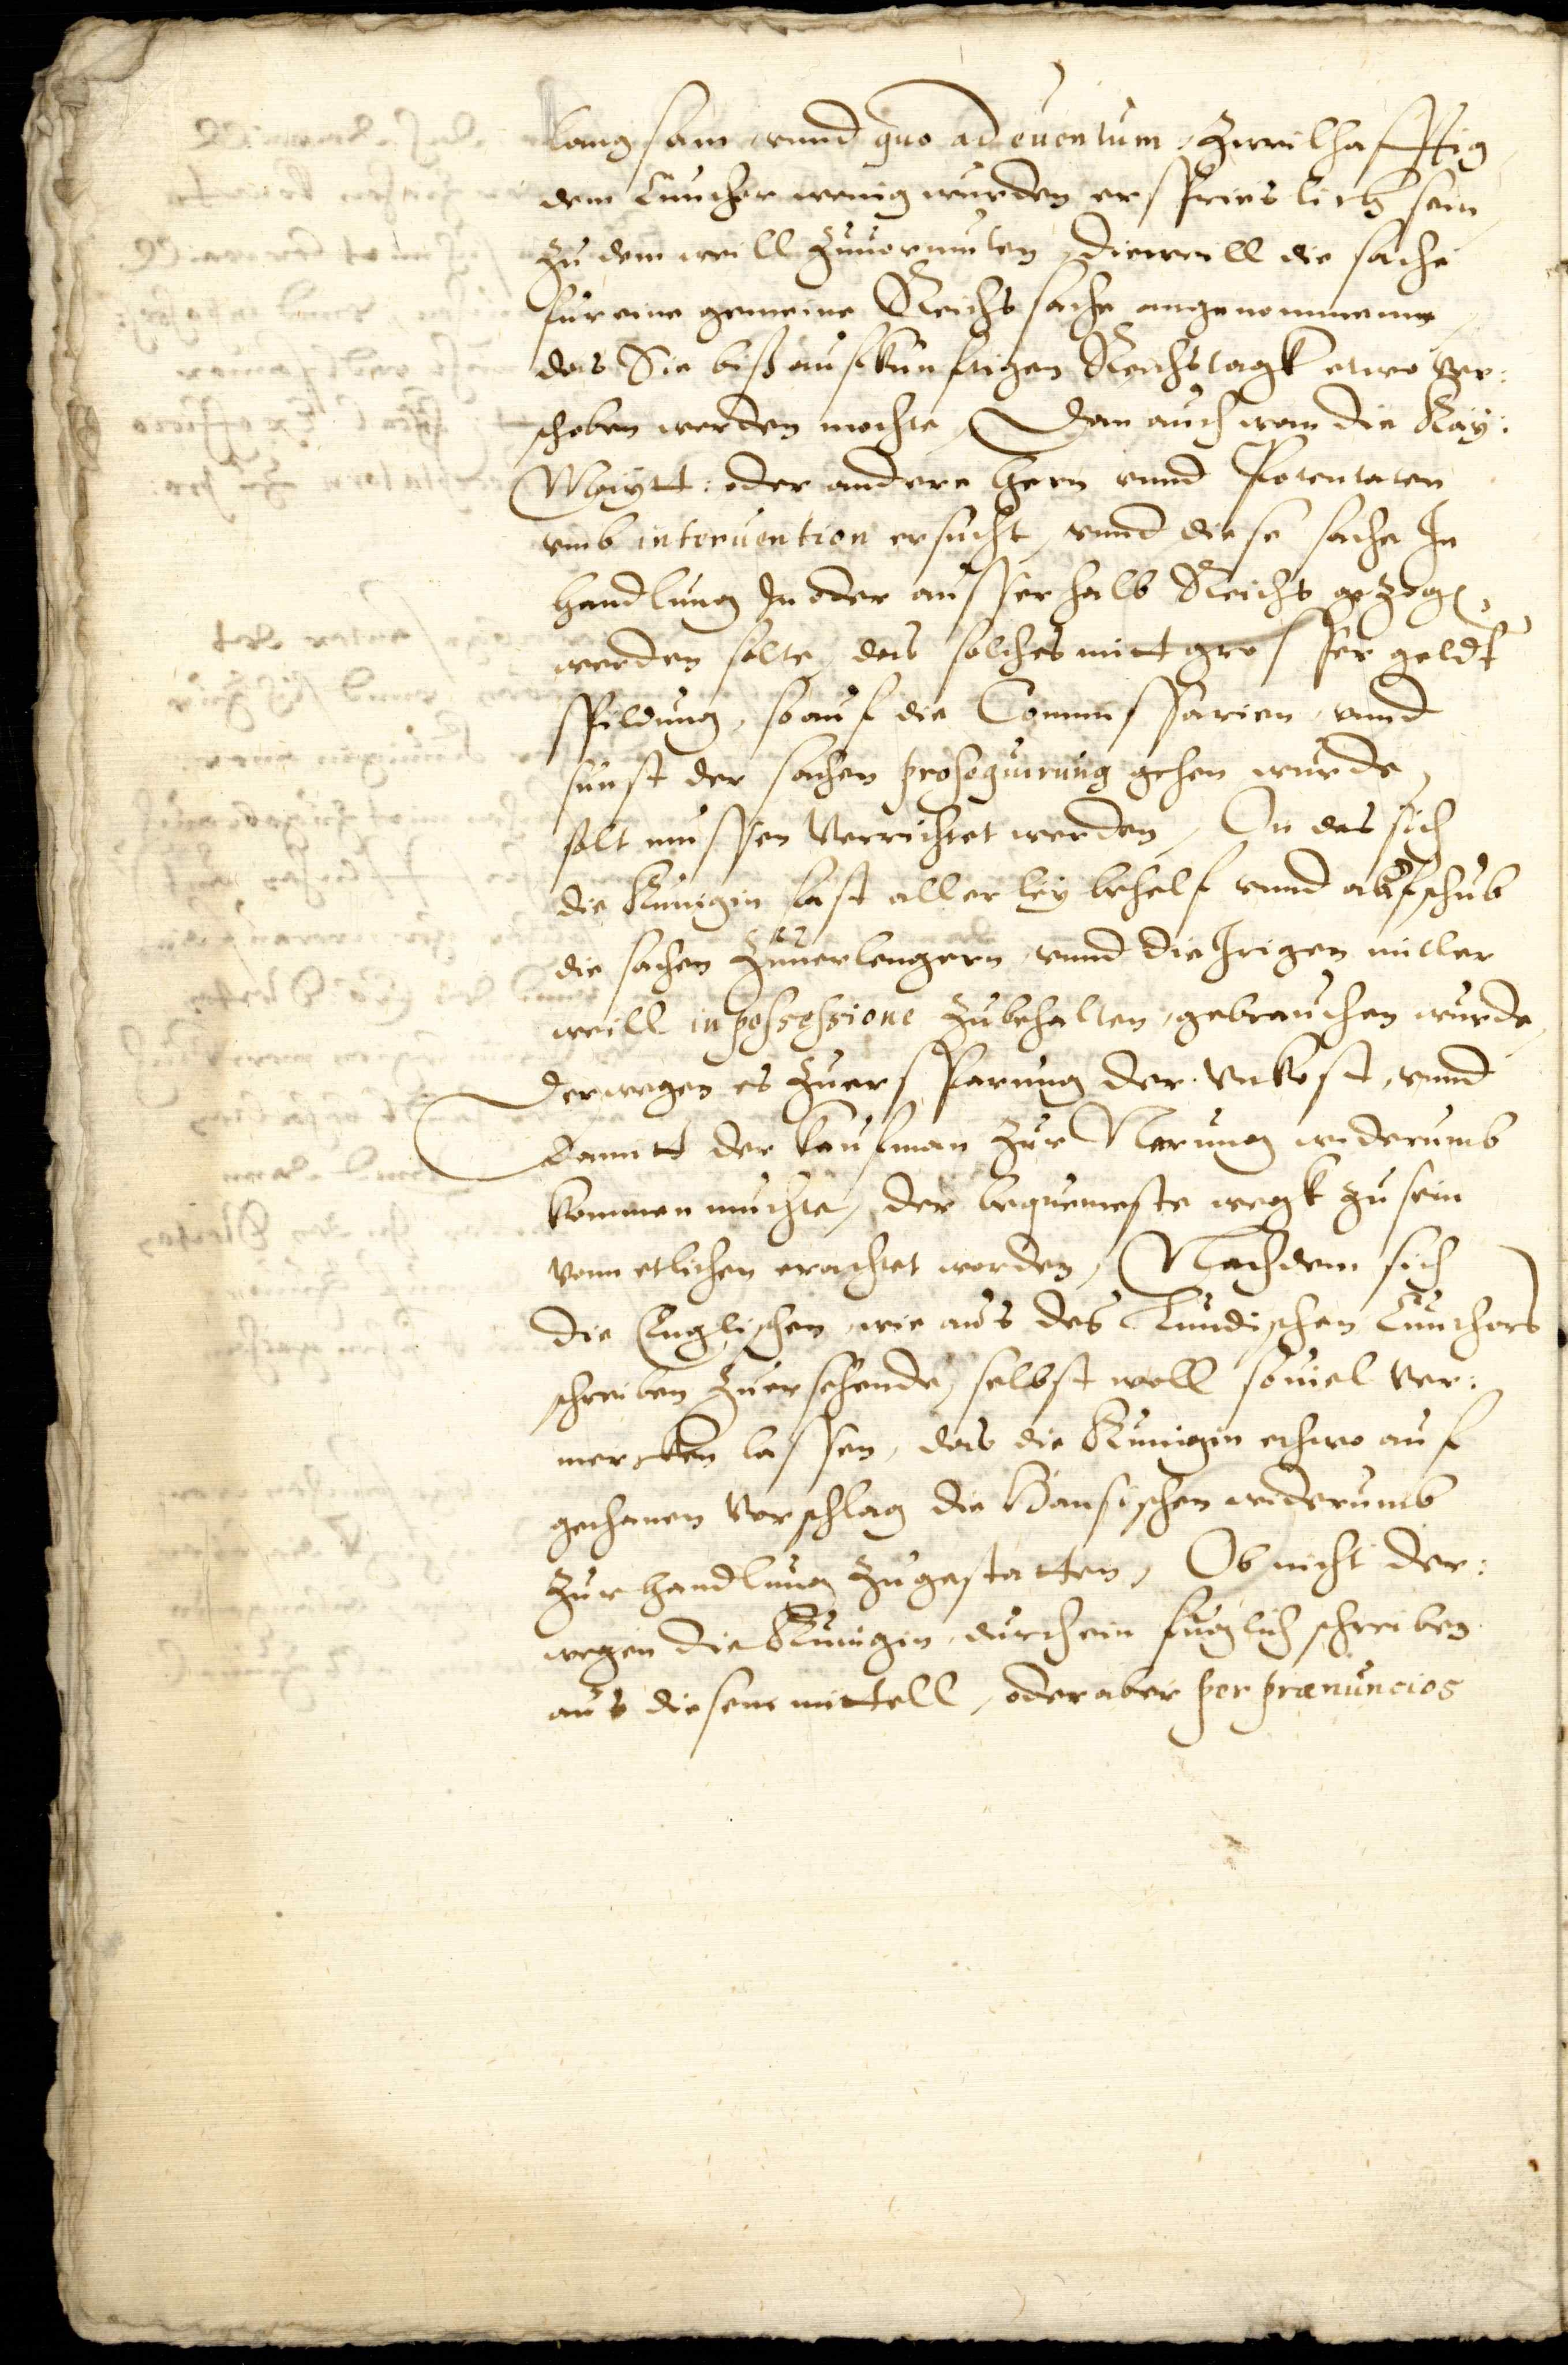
langsam, vnnd quo adeuentum, zweilhafftig,
dem Cunthor wenig wurden ersprieslich sein,
zudem weill zuuermuten dieweill die sache
fur eine gemeine Reichssache angenommenn,
das Sie biß auf kunftigen Reichstagk etwo ver¬
schoben werden mochte, Dan auch wan die Kaij:
Maijtt: oder andern hern vnnd Potentaten
vmb interuention ersucht, vnnd diese sache Jn
handlung Jn oder ausserhalb Reichs gezogen
werden solte, das solches mitt grosser geldt
spildung, so auf die Commissarien, vnnd
sunst der sachen prosequirung gehen wurde,
solt mussen verrichtet werden, On das sich
die Kunigin fast allerleij behelf vnnd aufschub
die sachen zuuerlengern vnnd die Jrigen mitler
weill in possessione zu behalten, gebrauchen wurde,
derwegen es zu ersparung der Vnkost, vnnd
damitt der kaufman zur Narung widerumb
kommen muchte, der bequemeste wegk zu sein
vonn etlichen erachtet worden, Nachdem sich
die Englischen, wie aus des Lundischen Cunthors
schreiben zuersehende, selbst woll souiel ver¬
mergken lassen, das die Kunigin ethwo auf
gethanen Vorschlag die Hansischen widerumb
zur handlung zu gestatten, Ob nicht der¬
wegen die Kunigin, durch ein fuglich schreiben
aus diesem mittell, oder aber per praenuncios
